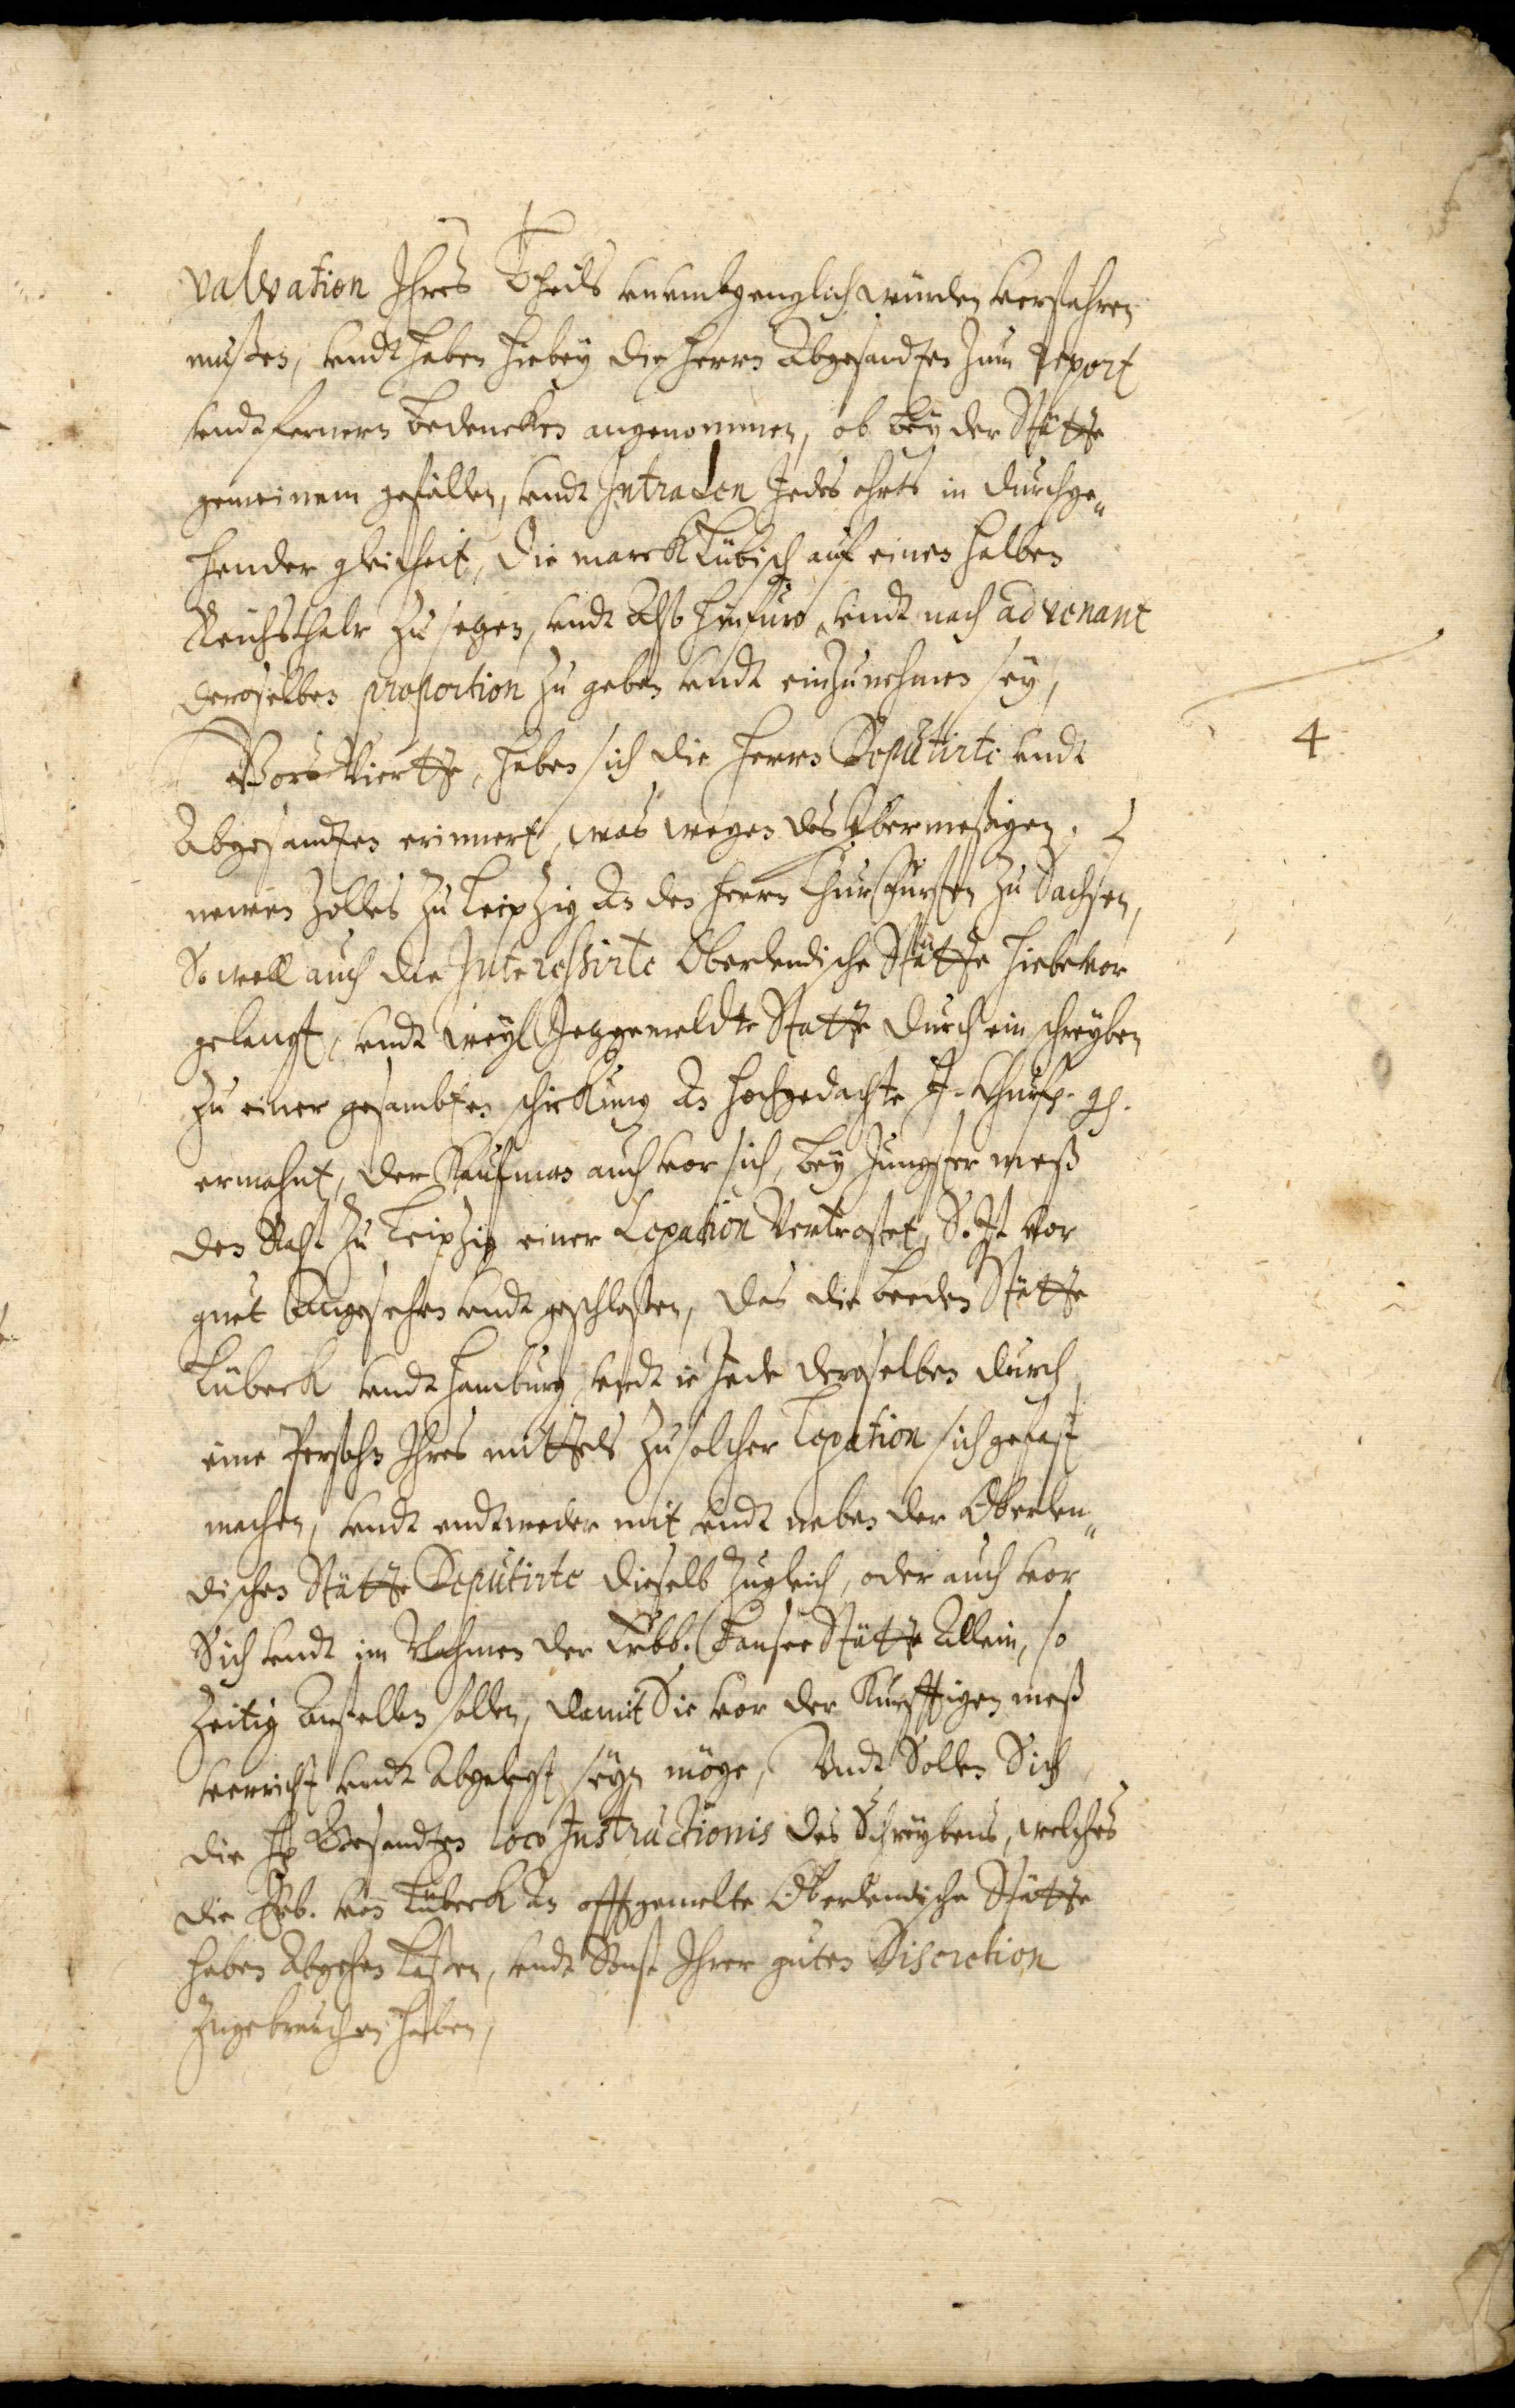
valvation Ihres Theils vnvmbgenglich würden verfahren
mußen, vndt haben hiebeij die herrn Abgesandten zum report
vndt fernern bedencken angenommen, ob beij der Stätte
gemeinem gefällen, vndt Intracten Jedes ohrts in durchge¬
hender gleicheit, die marck Lübisch auf einen halben
Reichsthalr zu setzen vndt Also hinfuro, vndt nach advenant
deroselben proportion zu geben vndt einzunehmen seij,
Vors Viertte, haben sich die herrn Deputirte vndt
Abgesandten erinnert, was wegen des vbermeßigen
newen zolles zu Leipzig An den herrn Churfursten zu Sachsen,
So woll auch die Interessirte Oberlendische Stätte hiebevor
gelangt, vndt weijl Jetzgemeldte Statte durch ein schreijben
zu einer gesambten schickung An hochgedachte I. Churf. g.
ermahnt, der Kaufman auch vor sich, beij jungster meß
den Raht zu Leipzig einer Legation Vertrostet, So Ist vor
guet Angesehen vndt geschloßen, das die beeden Stätte
Lübeck vndt Hamburg, vndt ie Jede deroselben durch
eine Persohn Ihres mittels zu solcher Legation sich gefast
machen, vndt endtweder mit vndt neben der Oberlen¬
dischen Stätte Deputirte dieselb zugleich, oder auch vor
Sich vndt im Nahmen der Erbb: hansee Stätte Allein, so
zeitig Anstellen sollen, damit Sie vor der Kunfftigen maß
verricht vndt Abgelegt seijn möge, Vndt Sollen Sich
die h Gesandten loco Instructionis des Schreijbens, welches
die Erb. von Lübeck An offtgemelte Oberlendische Stätte
haben Abgehen Laßen, vndt Sonst Ihrer guten Discretion
zugebreuchen haben,
4.
